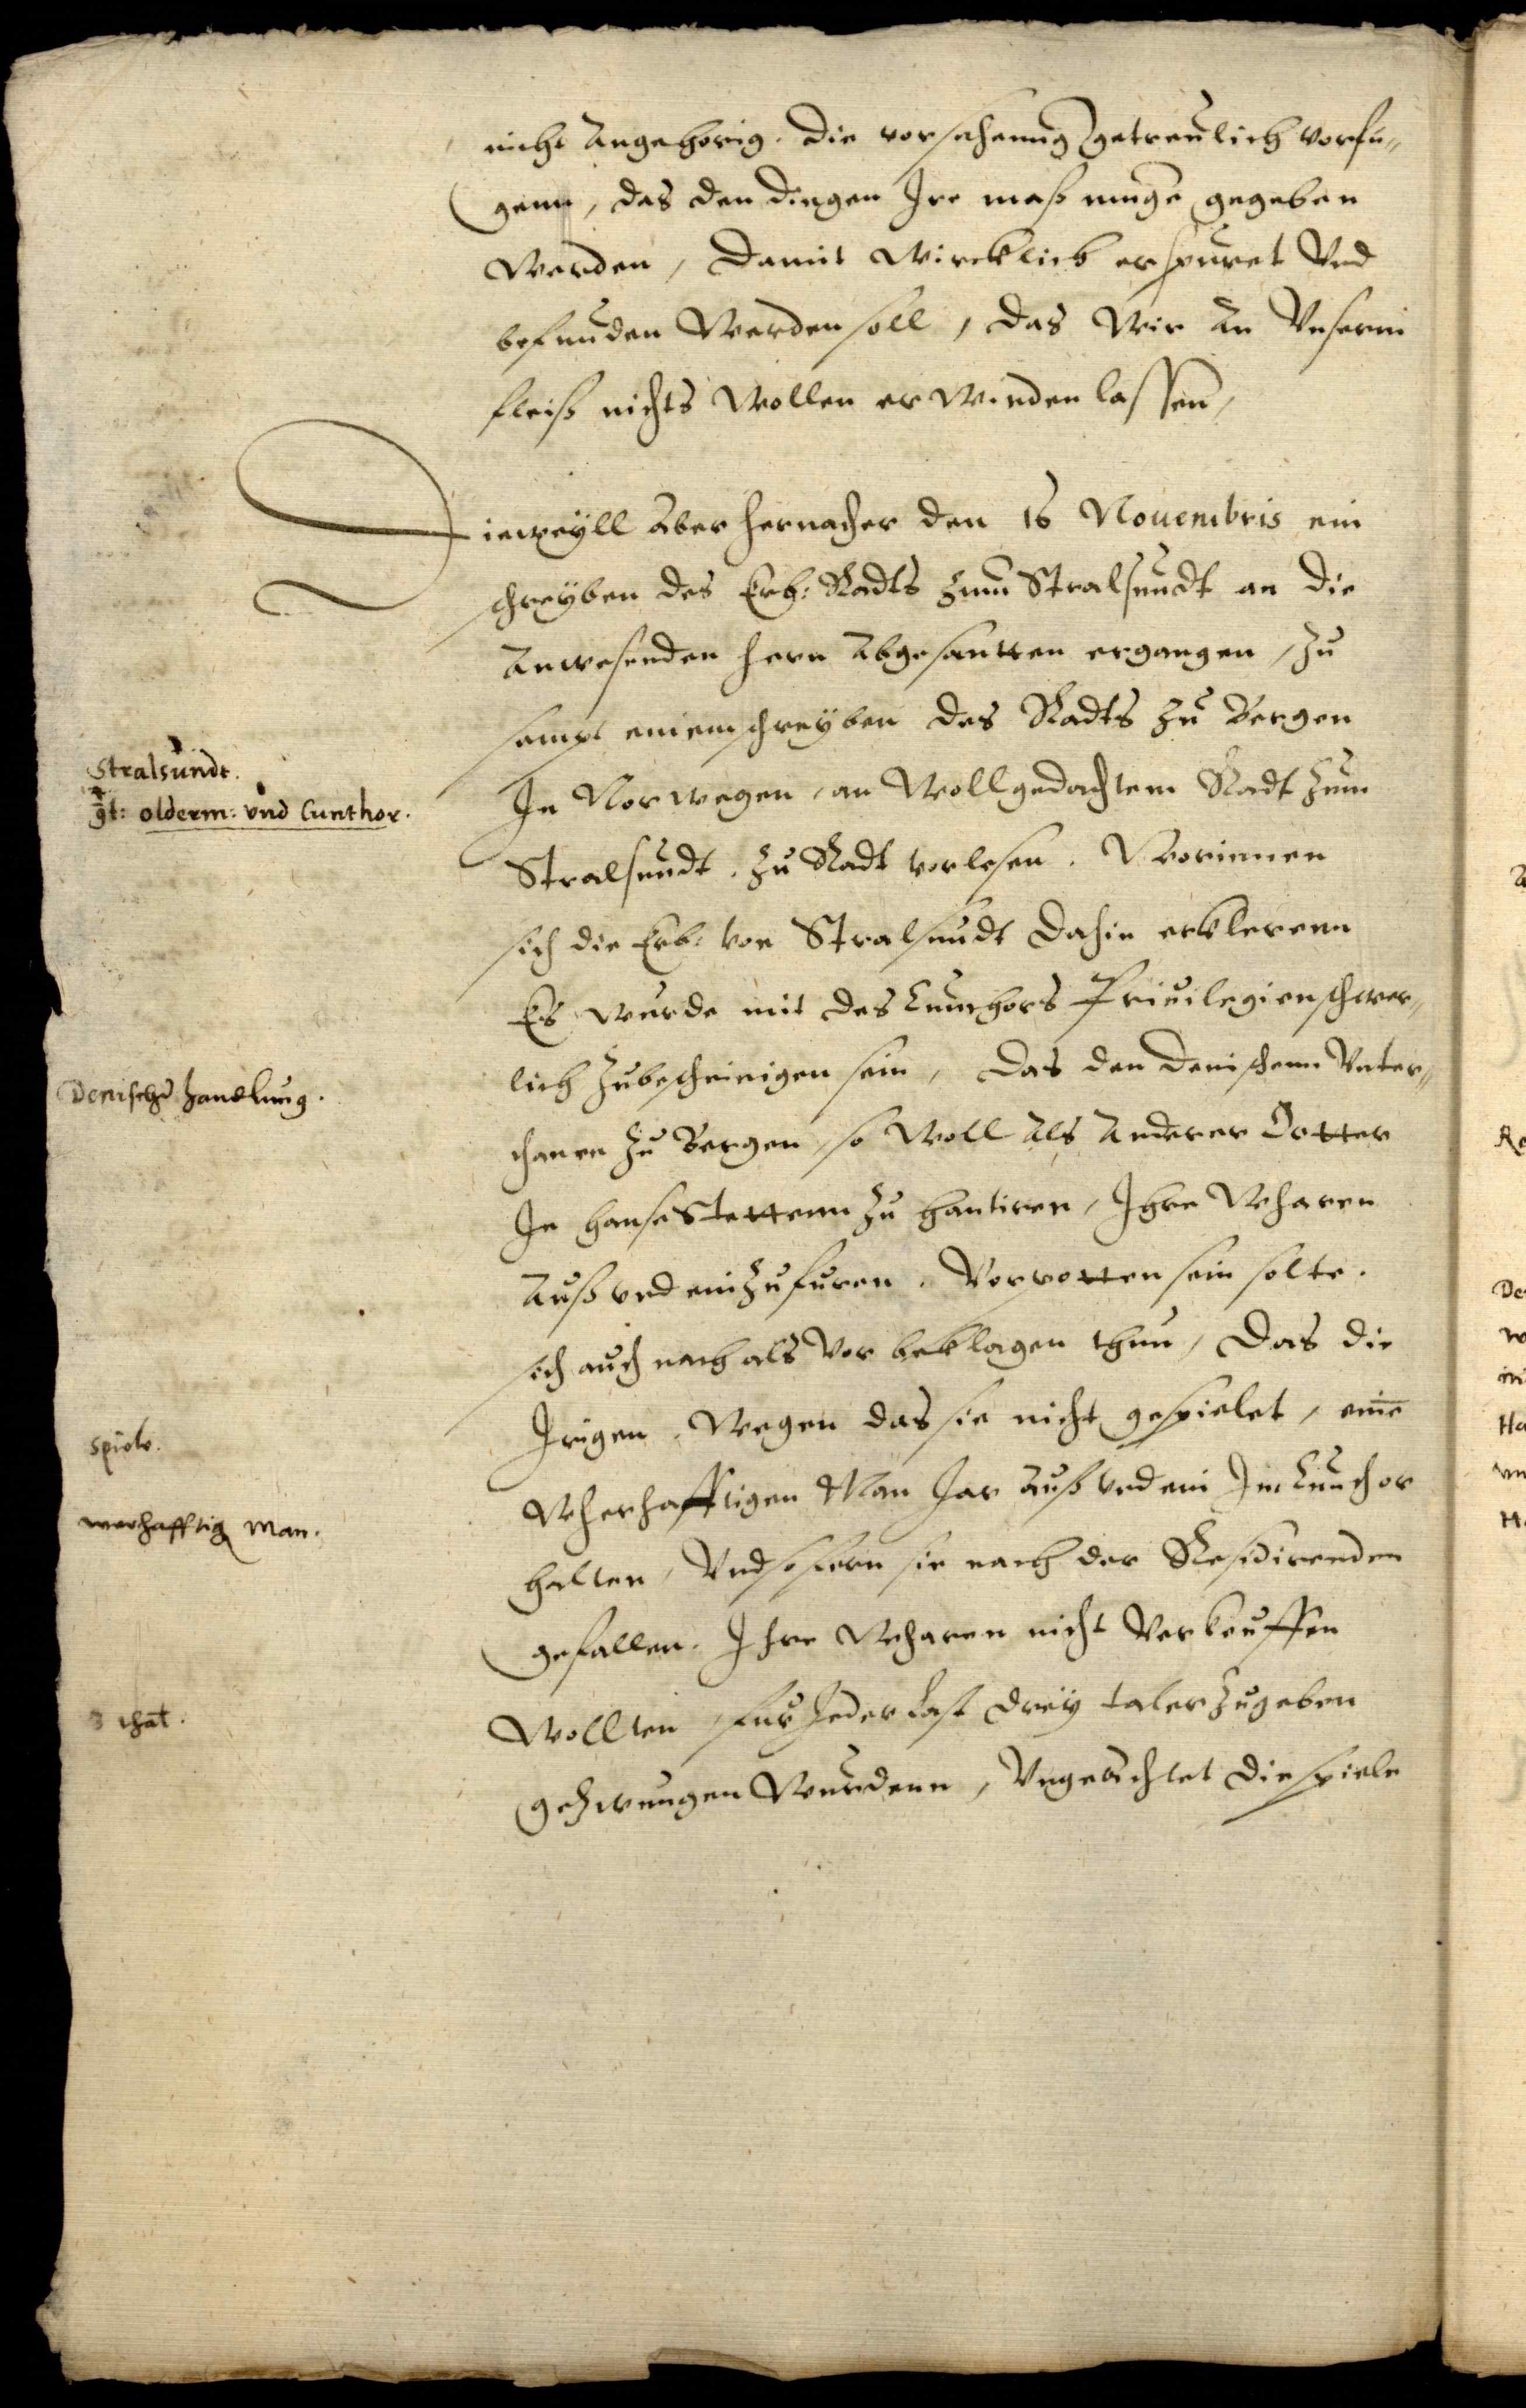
nicht Angehorig, Die vorseheung getreulich vorfü¬
genn, das den dingen Ire maßunge gegeben
werden, Damit wirklich verspuret Vnd
befunden Werden soll, das Wir An Vnserm
fleiß nichts wollen erwinden lassen,
Dieweijl Aber hernacher den 16 Nouembris ein
schreijben des Erb: Radts zum Stralsundt an die
Anwesenden hern Abgesantten ergangen, zu
sampt einem schreijben des Radts zu Bergen
In Norwegen, an Wollgedachtem Radt zum
Stralsundt, zu Radt vorlesen, Worinnen
sich die Erb: von Stralsundt dahin erklerenn
Es wurde mit des Cunthors Priuilegien schwer¬
lich zubescheinigen sein, Das den Denischenn Vnter¬
thanen zu Bergen, so woll Als Anderer Ortter
In Hansestettenn zu hantiren, Ihre Wharen
Auß vnd einzufuren, Vorpotten sein solte,
sich auch nach als Vor beklagen thun, das die
Irigen, Wegen das sie nicht gespielet, einen
wherhafftigen Man Iar Auß vnd ein Im Cunthor
Halten, Vnd so fern sie nach der Residirendem
gefallen, Ihre wharenn nicht Verkauffen
Wollten, fur Ieder Last dreij taler zu geben
gezwungen Wurdenn, Vngeachtet die spiele
Stralsundt.
contra olderm: vnd Cunthor.
Denisch handlung.
spiele.
werhafftigen Man.
3 thaler
